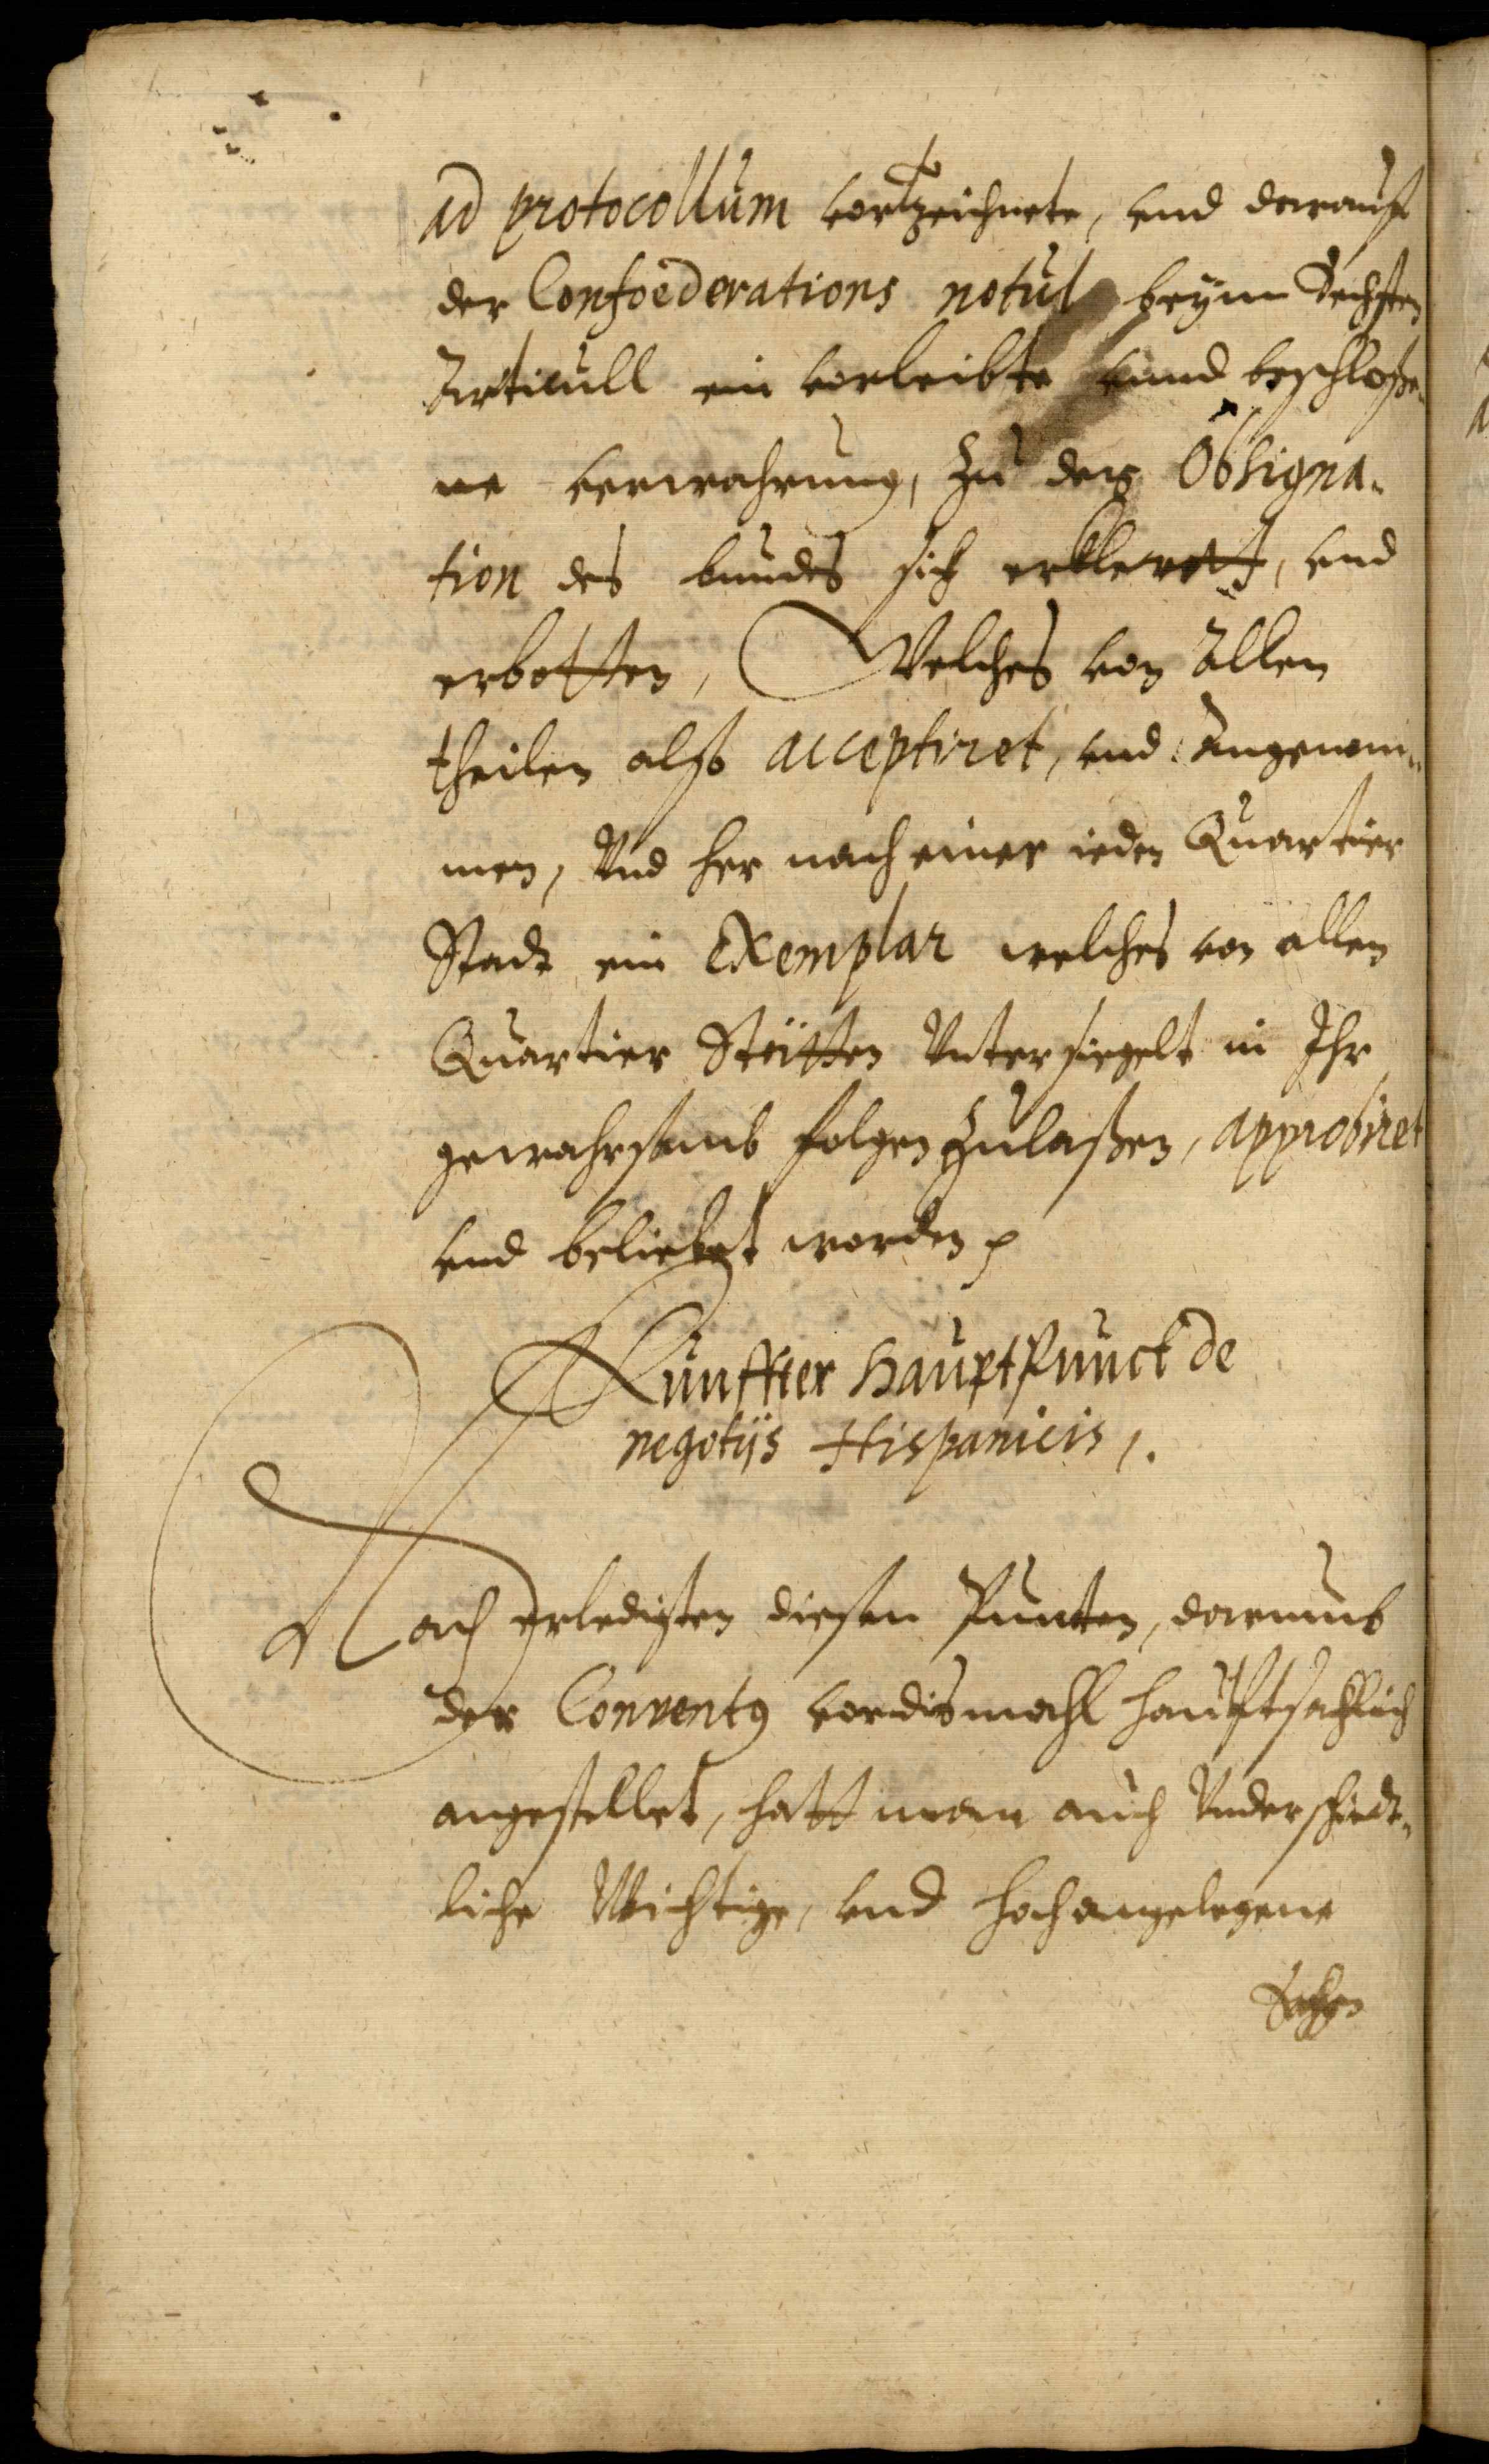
ad protocollum vortzeichnete, vnd darauf
der Confoederations notul beijm Sechsten
Articull ein vorleibte vnnd beschloße¬
ne verwahrung, zu der Obsigna¬
tion des bundes sich erkleret, vnd
erbotten, Welches von Allen
theilen also acceptieret, vnd, angenom¬
men, vnd her nach einer ieden Quartier
Stadt, ein Exemplar welches von allen
Quartier Stätten vntersiegelt in Ihr
gewahrsamb folgen zulaßen, approbieret
vnd beliebet worden p
Fünffter Hauptpunct de
negotiis Hispanicis,.
Nach erledigten diesen Puncten, darumb
der Conventus vordismahl hauptsachlich
angestellet, hatt man auch vnderschiedt¬
liche Wichtige, vnd hochangelegene
Sachen
